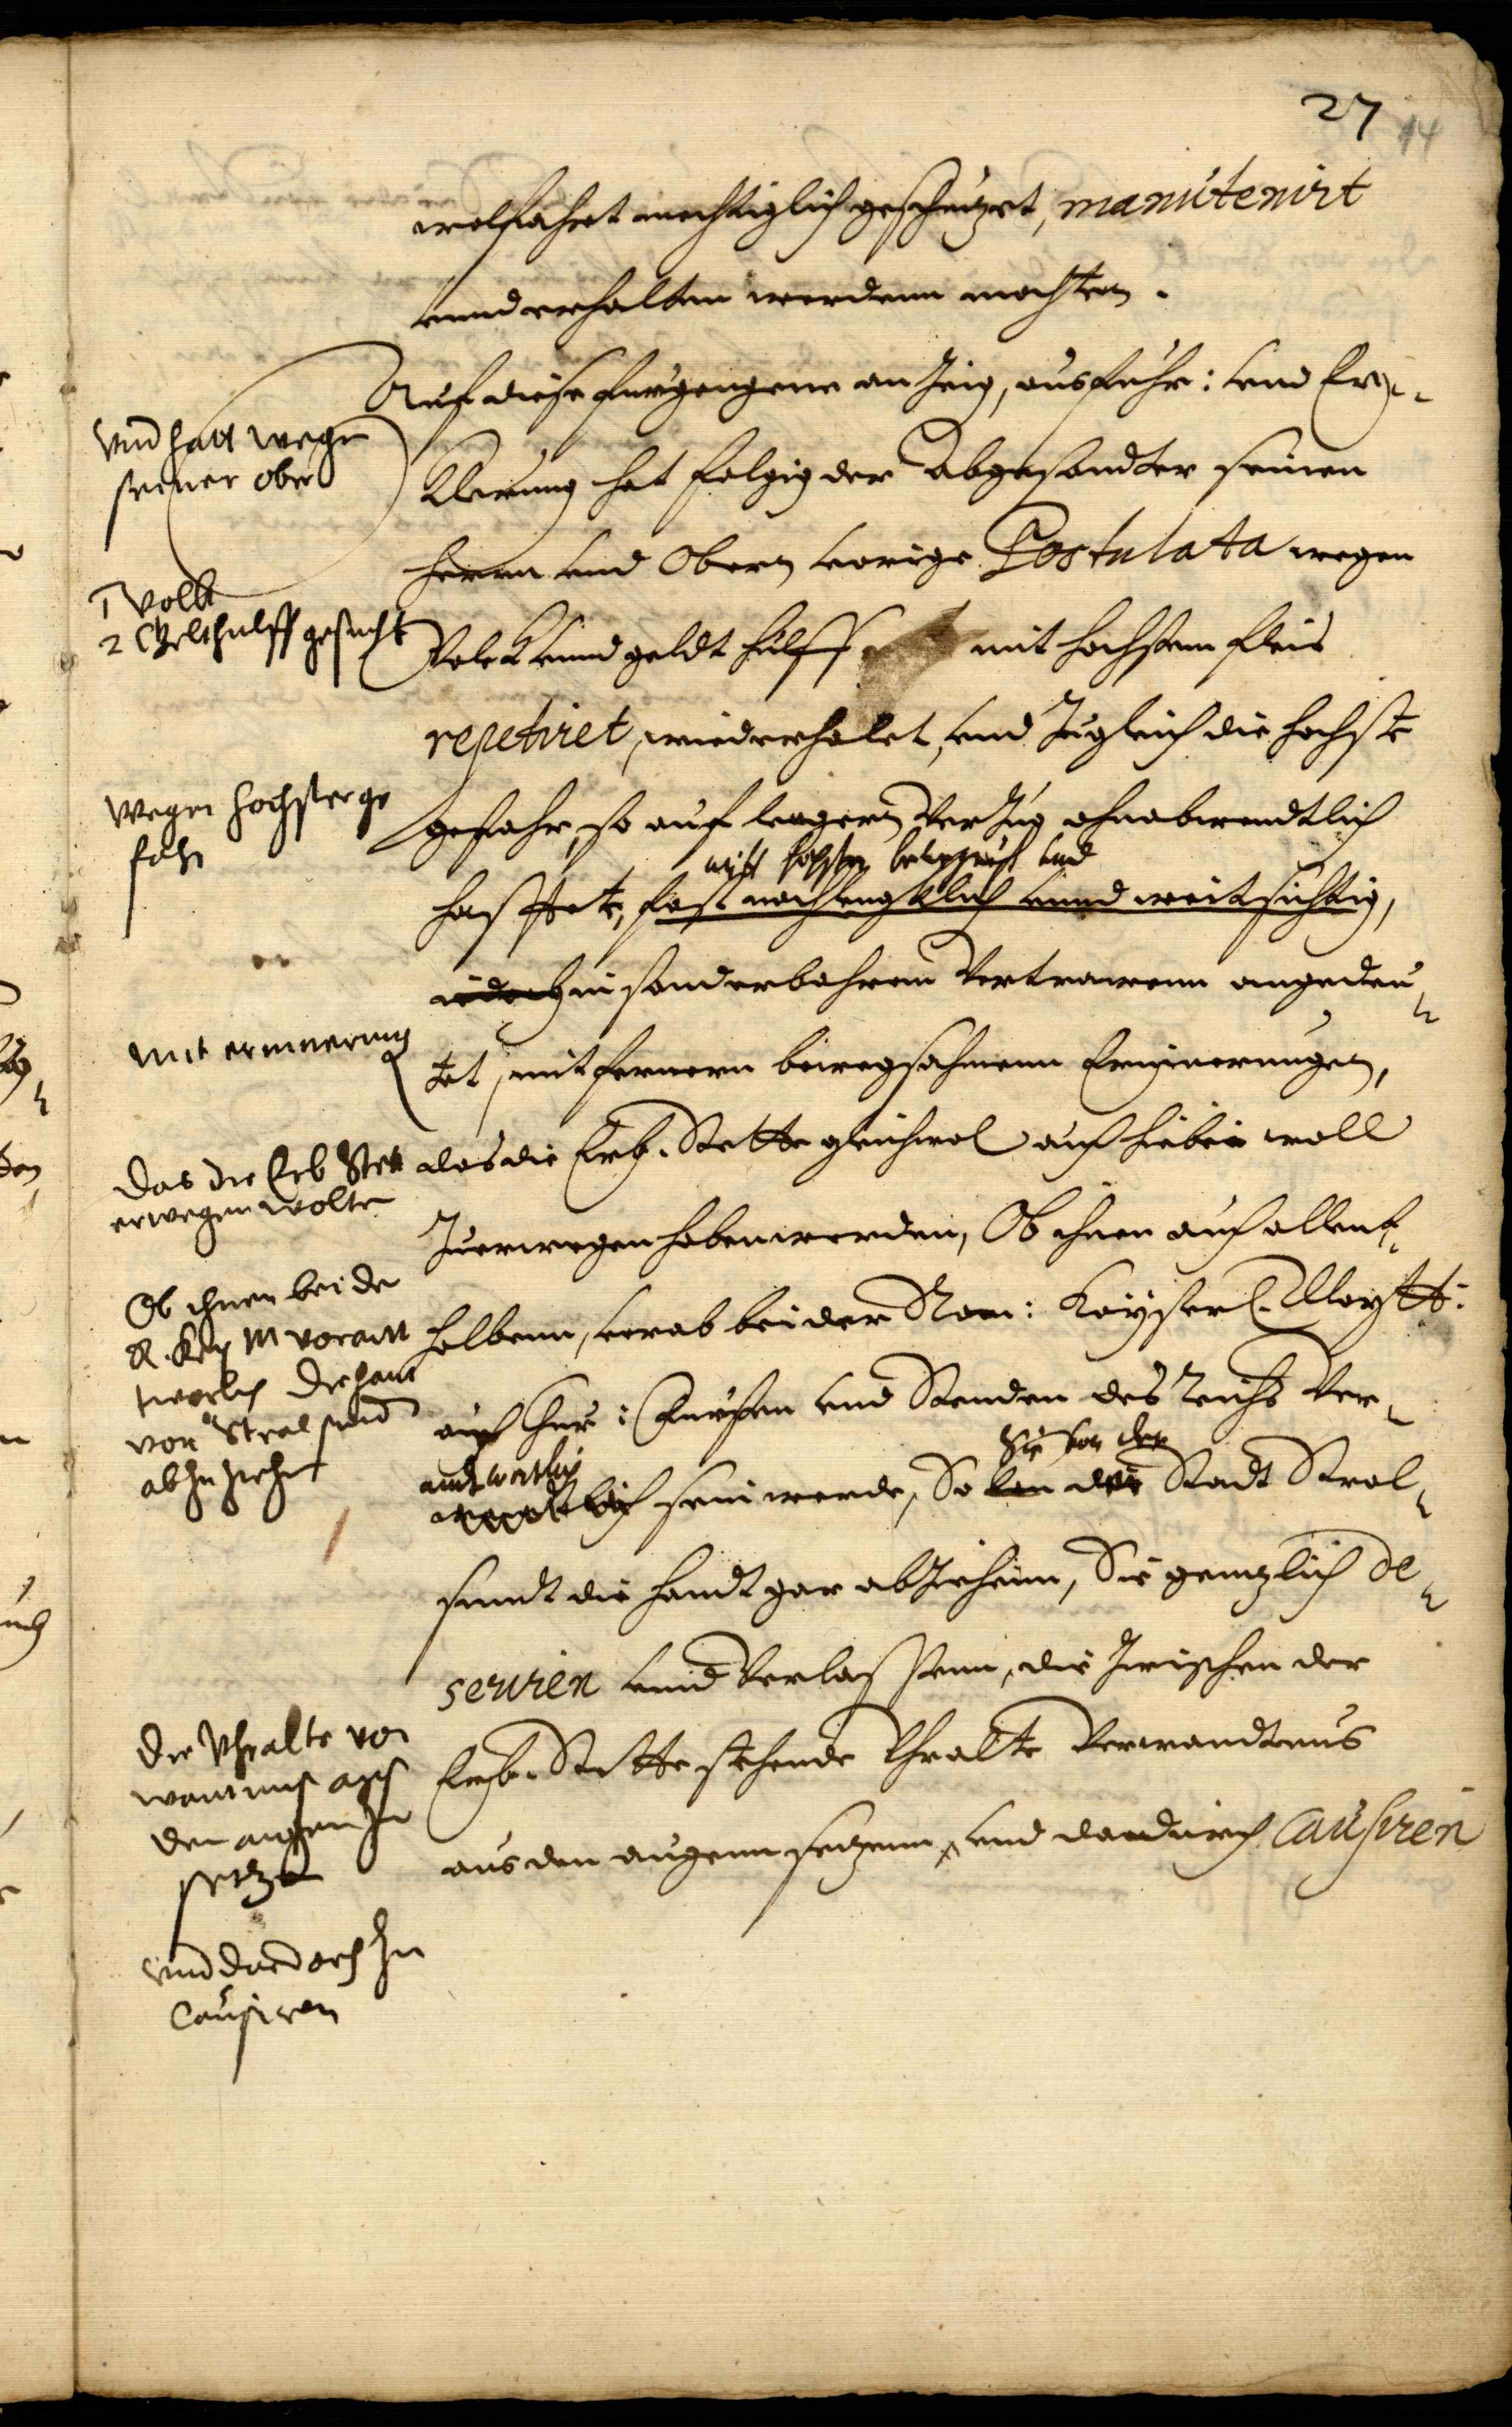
27
wolfahrt mechtiglich geschutzet, manutenirt
vnnd erhalten werdenn mochtenn.
Auf diese furgengenn anzeig, ausfuhr: vnd Er¬
klerung hat folgig der Abgesandter seinen
herrn vnd Obern vorige Postulata wegen
Volck vnnd geldt hulff mit hochstem fleis
repetiret, wiederholet, vnnd zugleich die hochste
gefahr, so auf lengern Verzug ohnabwendtlich
mitt hochsten letegrich vnd
hasttete, fast nachlengklich vnnd weitsichtig,
widerb in sonderbahrem Vertrawenn angedeu¬
tet, mit fernern bewegsahmenn Erinnerungen,
das die Erb. Stette gleichwol aus lieben woll
zuerwegen haben werden, Ob ihnen auch allent¬
halbenn, vorab bei der Rom: Kaijßerl. Maytt:
auch Chur: Fursten vnd Stenden des Reichs Ver¬
Sie von der
auch wortlig
wanndtlich sein werde, So kan die Stadt Stral¬
sundt die handt gar abziehenn, Sie gentzlich de¬
seriren vnnd verlassenn, die zwischen der
Erb. Stette stehende Vhralte Verwandtnus
aus den augenn setzenn vnd dadurch causiren
vnd hatt wegen
seiner Ober
1 Volk
2 Gelthulff gesucht
wegen hochster ge
fahr
mit erinnerungen
das die Erb Stett
erwegen wolte
Ob ihnen bei de
R. Key M vorant
tworlich die hant
von Stralsundt
abzuziehn
die Vhralte vor
wantnuß aus
den augen zu
setzen
vnd dardoch zu
causiren
